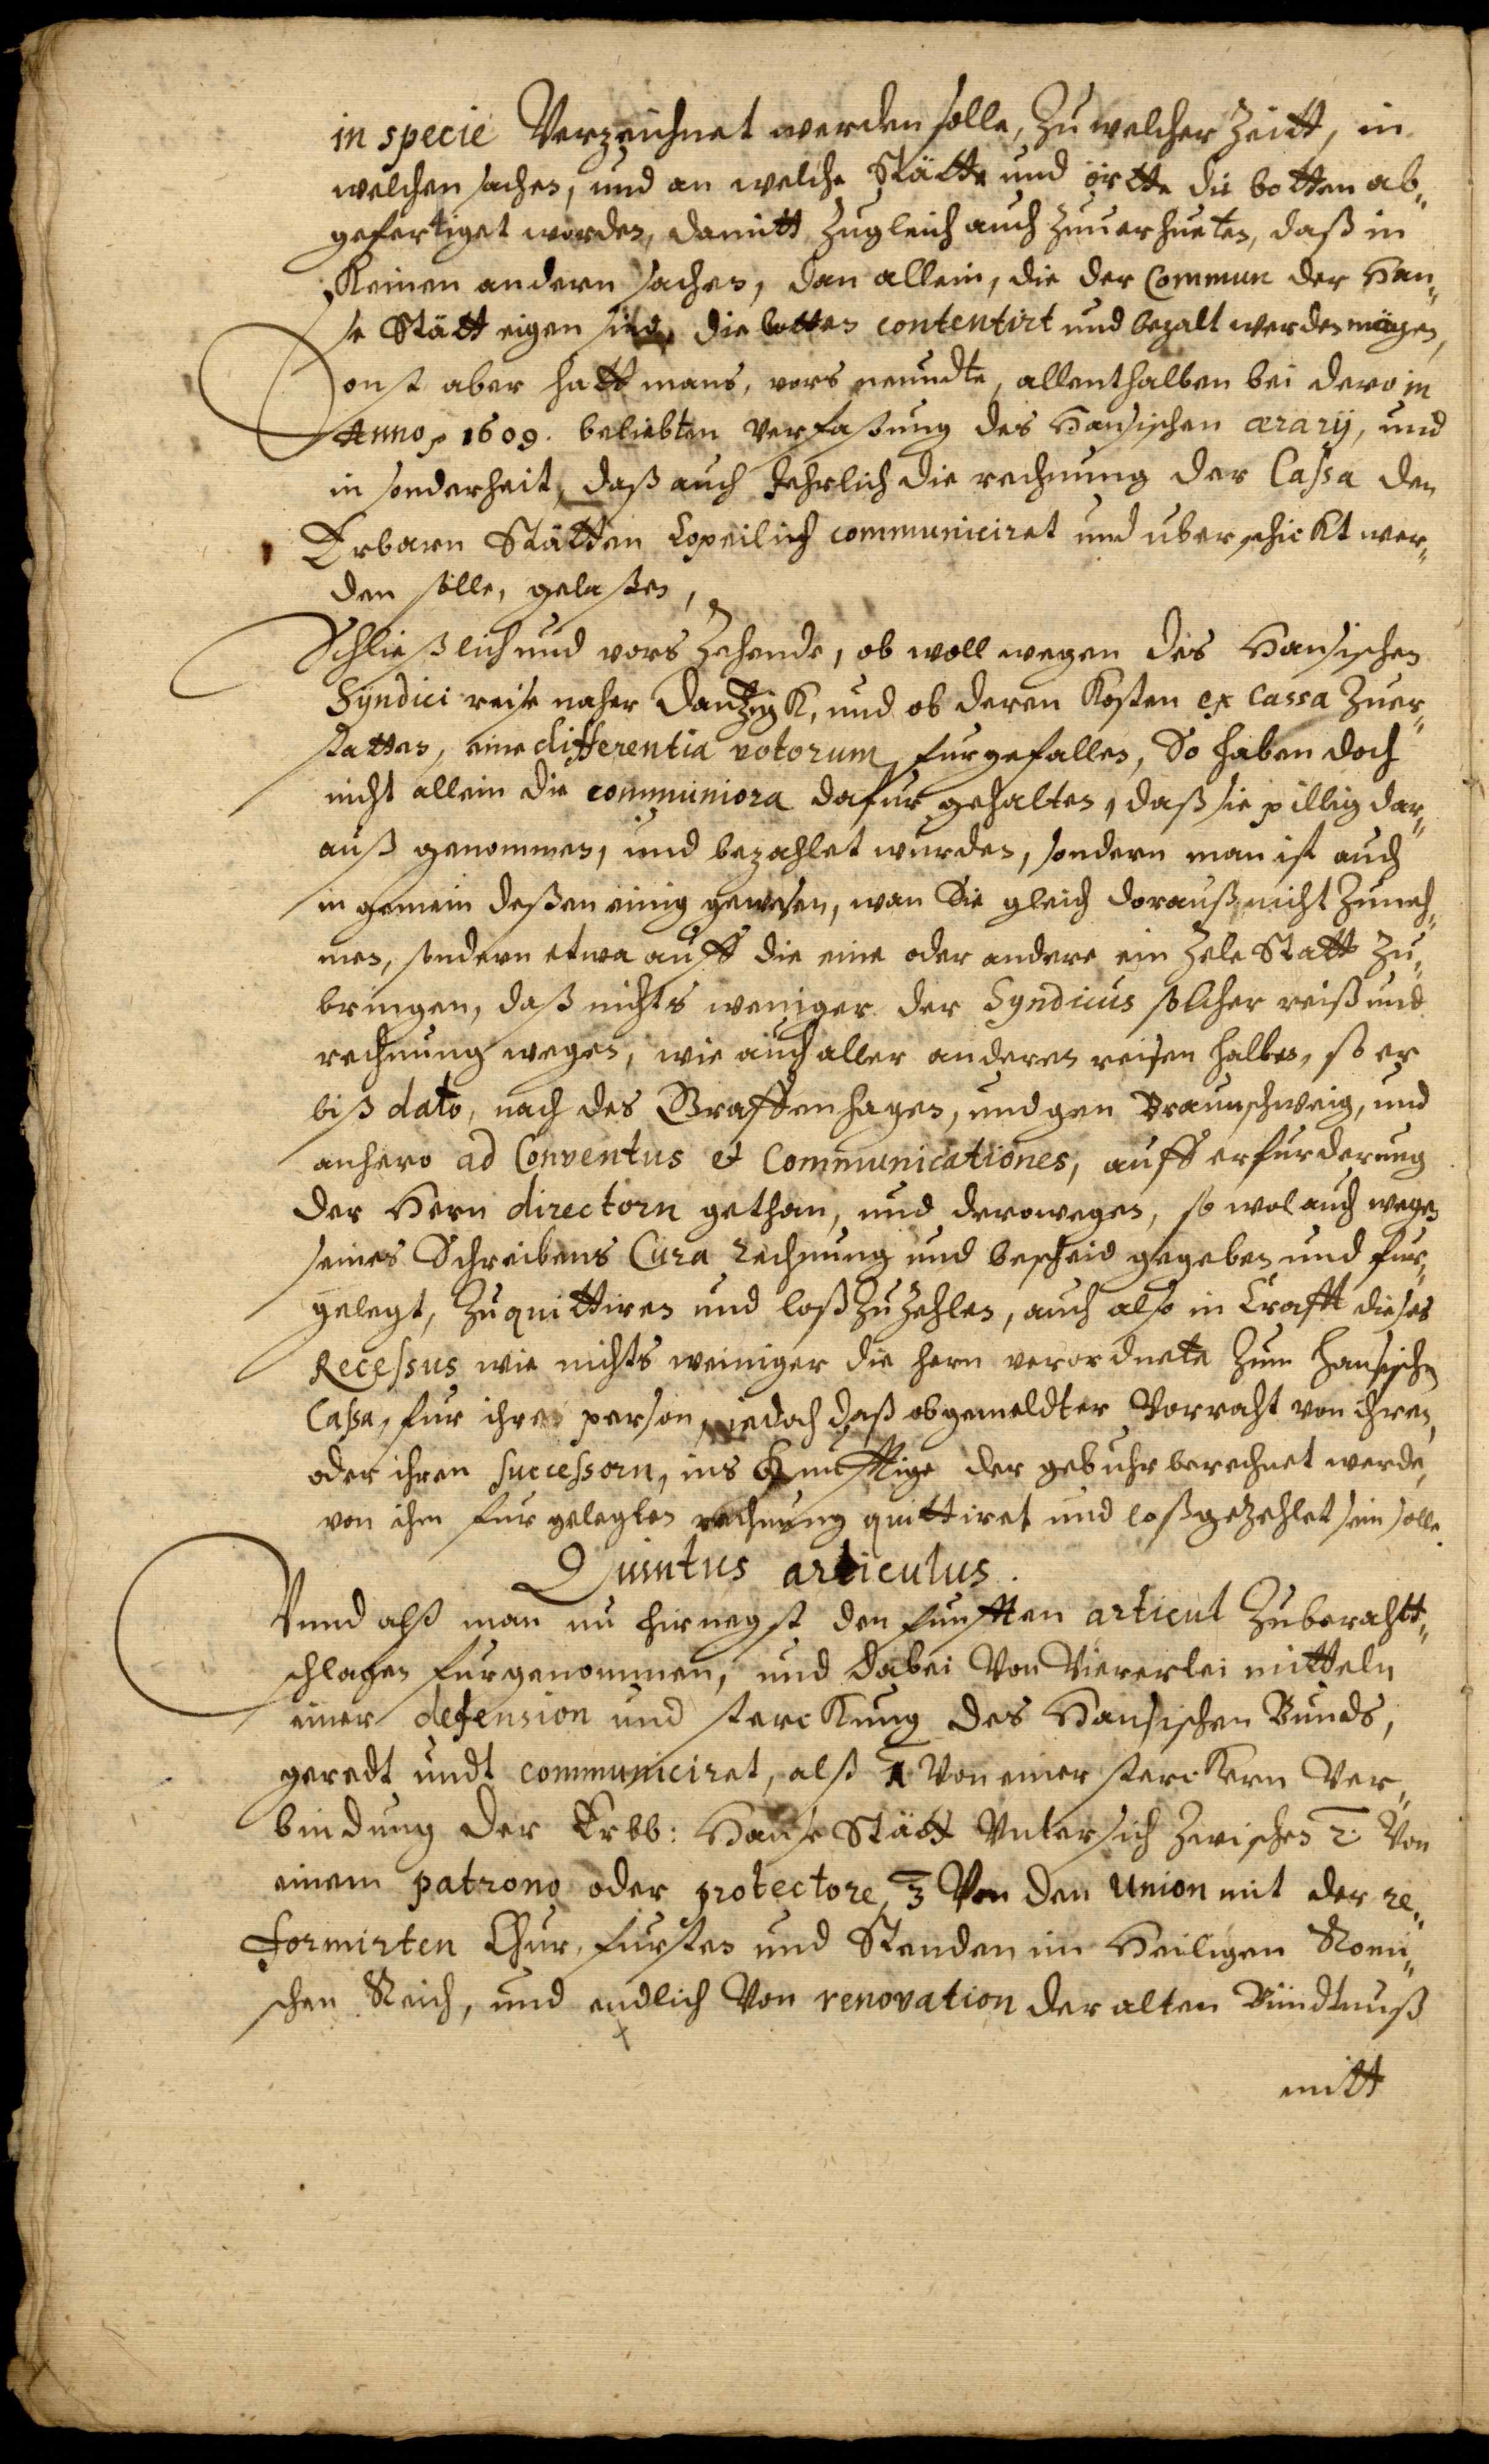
in specie Verzeichnet werden solle, zu welcher zeitt, in
welchen sachen, und an welche Stätte und örtte die botten ab¬
gefertiget worden, damitt zugleich auch zuuerhueten, daß in
keinen andern sachen, dan allein, die der Commun der Han¬
se Stätt eigen sind, die botten contentirt und bezalt werden mögen,
Sonst aber hatt mans, vors neundte, allenthalben bei dero in
Anno p 1609 beliebten verfaßung des Hansischen ærarij, und
in sonderheit, daß auch jehrlich die rechnung der Cassa den
Erbarn Stätten Copeilich communiciret und uberschickt wer¬
den solle, gelaßen,
Schließlich und vors Zehende, ob woll wegen des Hansischen
Sijndici reise naher Dantzigk, und ob deren Kosten ex cassa zuer¬
statten, eine differentia votorum furgefallen, So haben doch
nicht allein die communiora dafur gehalten, daß sie pillig dar¬
auß genommen, vnd bezahlet wurden, sondern man ist auch
in gemein deßen einig gewesen, wan Sie gleich dorauß nicht zuneh¬
men, sondern etwa auff die eine oder andere ein Zele Statt zu¬
bringen, daß nichts weniger der Syndicus solcher reiß und
rechnung wegen, wie auch aller anderen reisen halben, so er
biß dato, nach des Graffenhagen, und gen Braunschweig, und
anhero ad Conventus et Communicationes, auff erfurderung
der Hern directorn gethan, und derowegen, so wol auch wegen
seines Schreibens Cura rechnung und bescheid gegeben und fur¬
gelegt, zu quittiren und loßzuzahlen, auch also in Crafft dieses
Recessus wie nichts weiniger die hern verordnete zum hansischen
Cassa, fur ihre person, iedoch daß obgemeldter Vorraht von ihren,
oder ihren successorn, ins kunfftige der gebuhr berechnet werde,
von ihm fur gelegten rechnung quittiret und loßgezehlet sein solle,
Quintus articulus.
Vnnd alß man nu hirnegst den funfften articul Zuberahtt¬
schlagen furgenommen, und dabei Von Viererlei mitteln
einer defension und sterckung des Hansischen Bunds,
geredt undt communiciret, alß 1. Von einer sterckern Ver¬
bindung der Erbb: Hanse Stätt vnter sich zwischen 2. Von
einem patrono oder protectore, 3 Von den union mit der re¬
formirten Chur, fursten und Stenden im Heiligen Romi¬
schen Reich, und endlich von renovation der alten Bündtnuß
mitt
